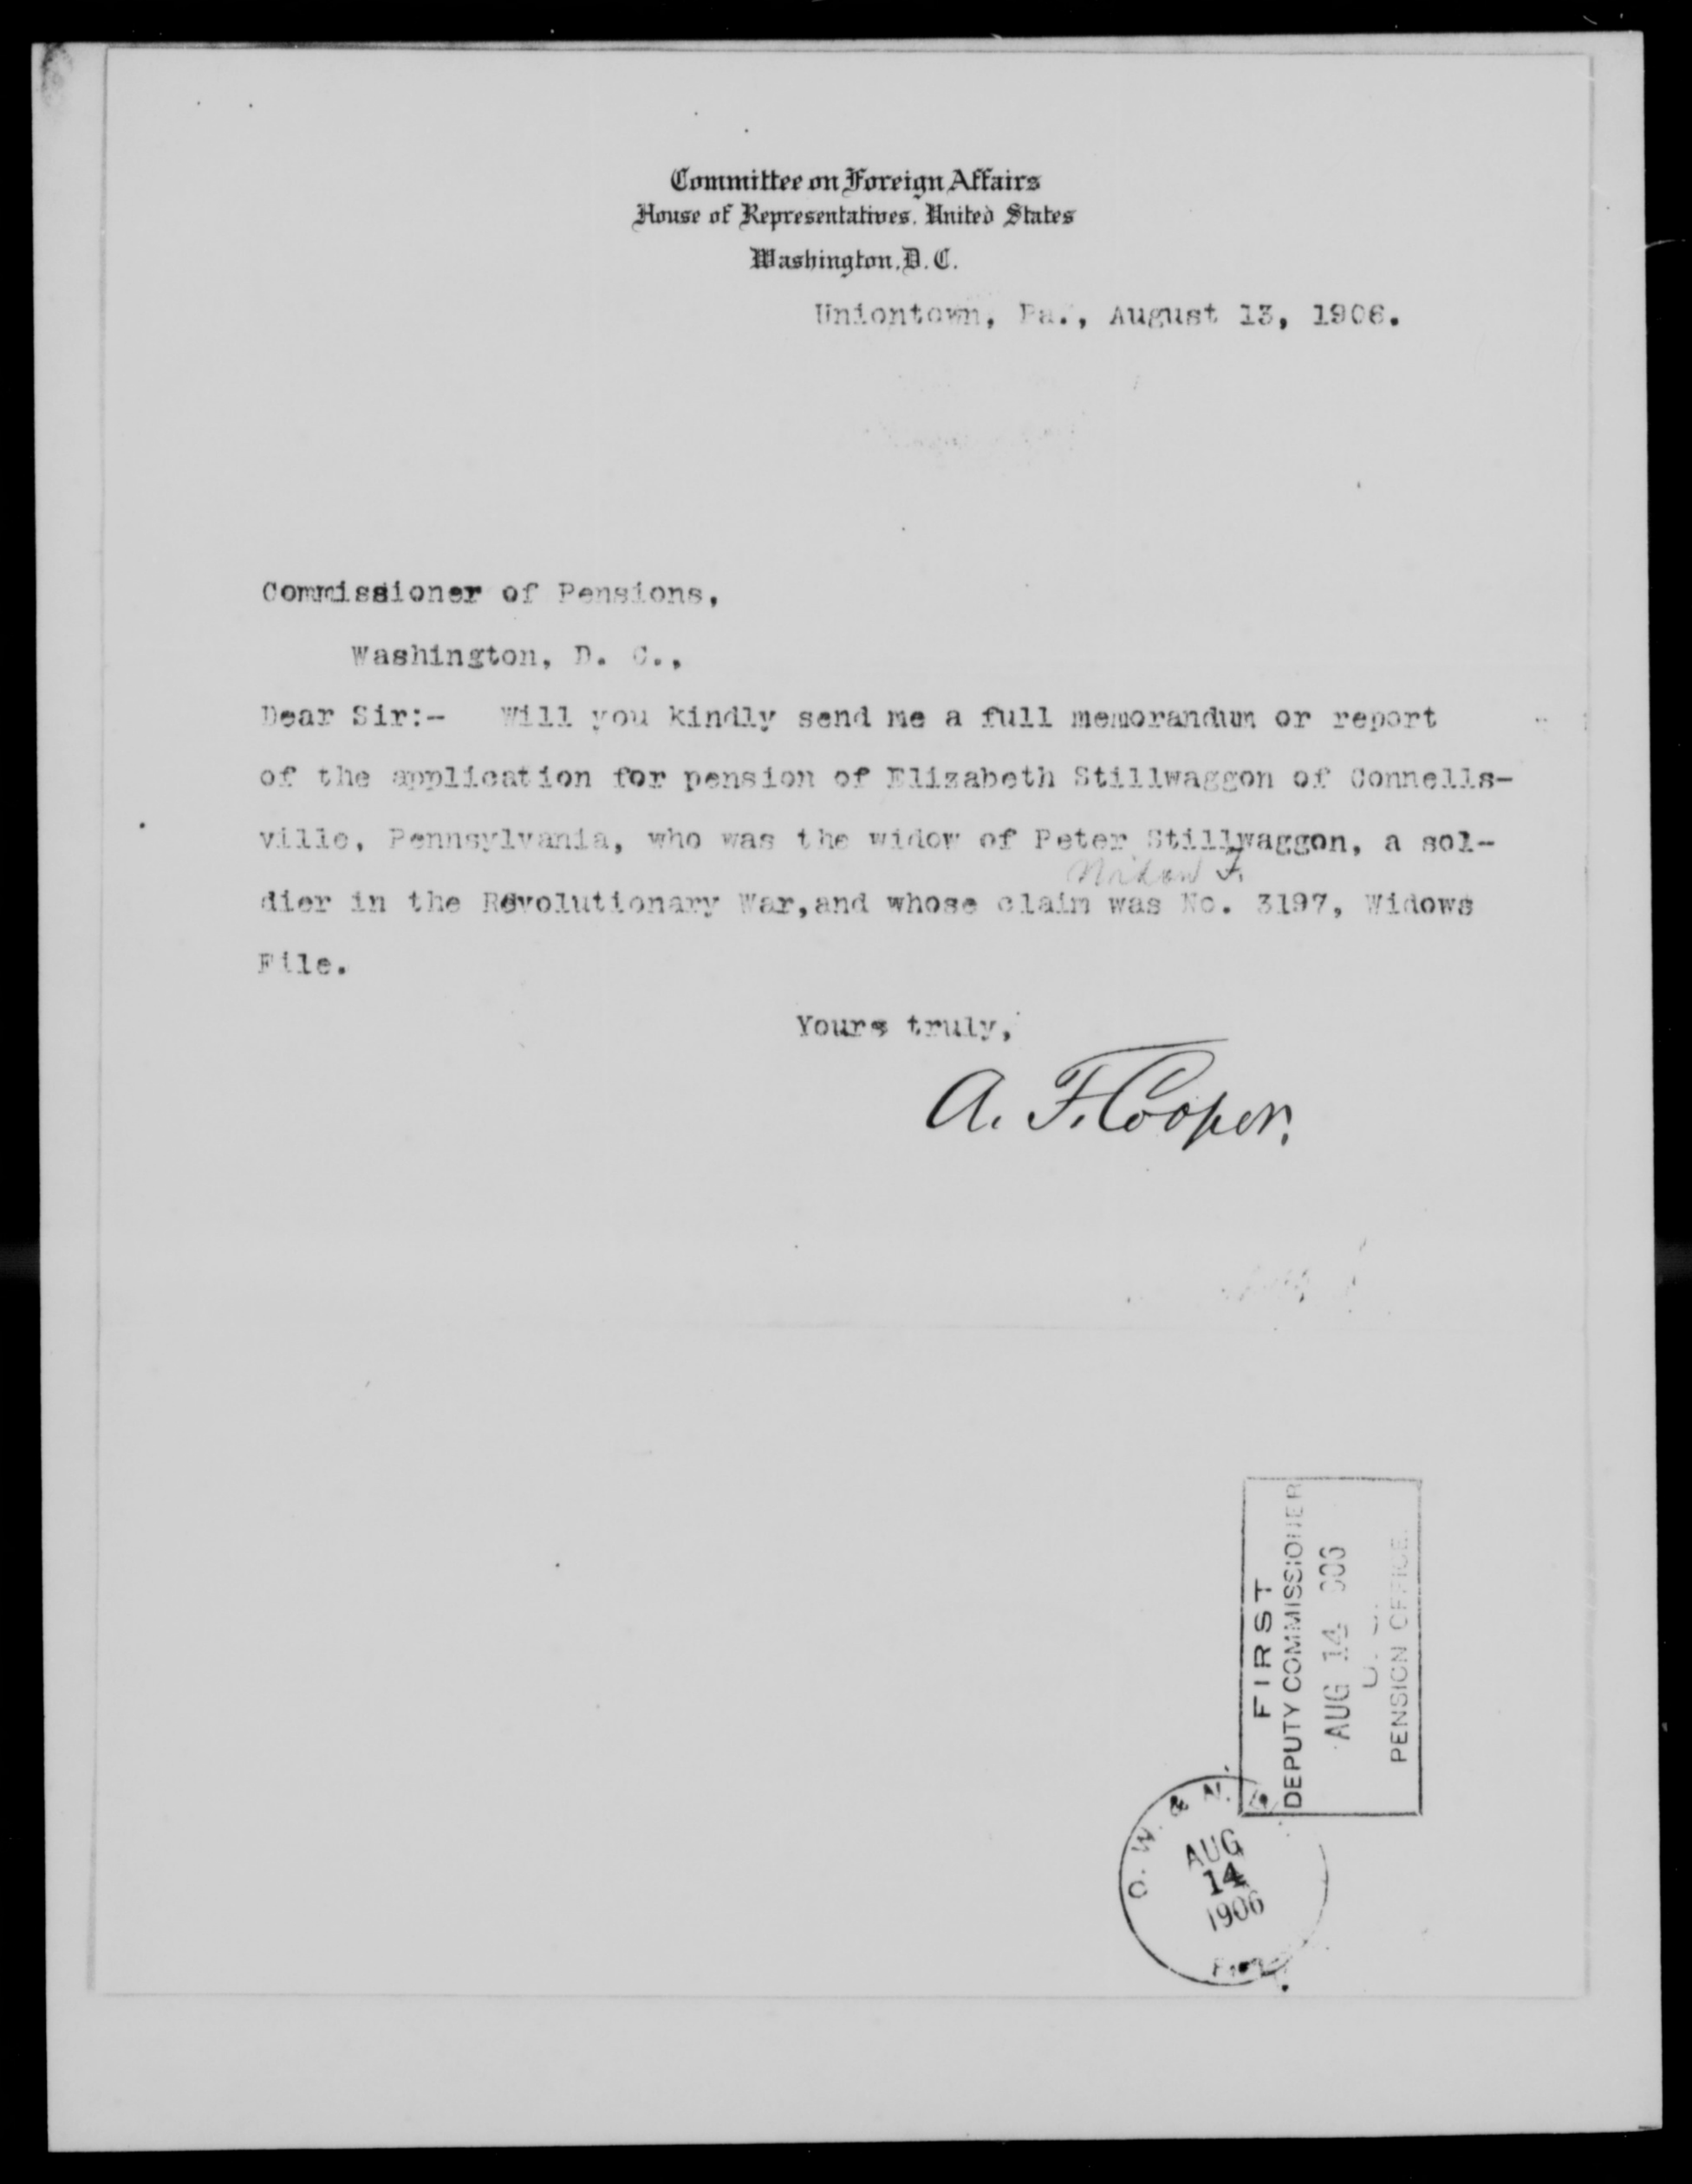[letterhead] Committee on Foreign Affairs, House of Representatives, United States, Washington, D.C. [letterhead]

Uniontown, Pa, August 13, 1906

Commissioner of Pensions,
Washington, D.C.
Dear Sir:-
Will you kindly send me a full memorandum or report of the application for pension of Elizabeth Stillwaggon [sic] of Connellsville, Pennsylvania, who was the widow of Peter Stillwaggon [sic], a soldier in the Revolutionary War and whose claim was [inserted in handwriting] Widow F [inserted in handwriting] No. 3197.

Yours truly,
A. F. Cooper

[rectangle stamp going vertically] First Deputy Commissioner U. S. Pension Office Aug 14, 1906 [rectangle stamp going vertically]
[round stamp] O. W. & N. Div [illegible] Aug 14 1906 [round stamp]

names: Elizabeth Stillwaggon; A F Cooper; Peter Stillwaggon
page: 38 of 73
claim: widow's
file: W. 3197, for Peter Stillwagon, New Jersey